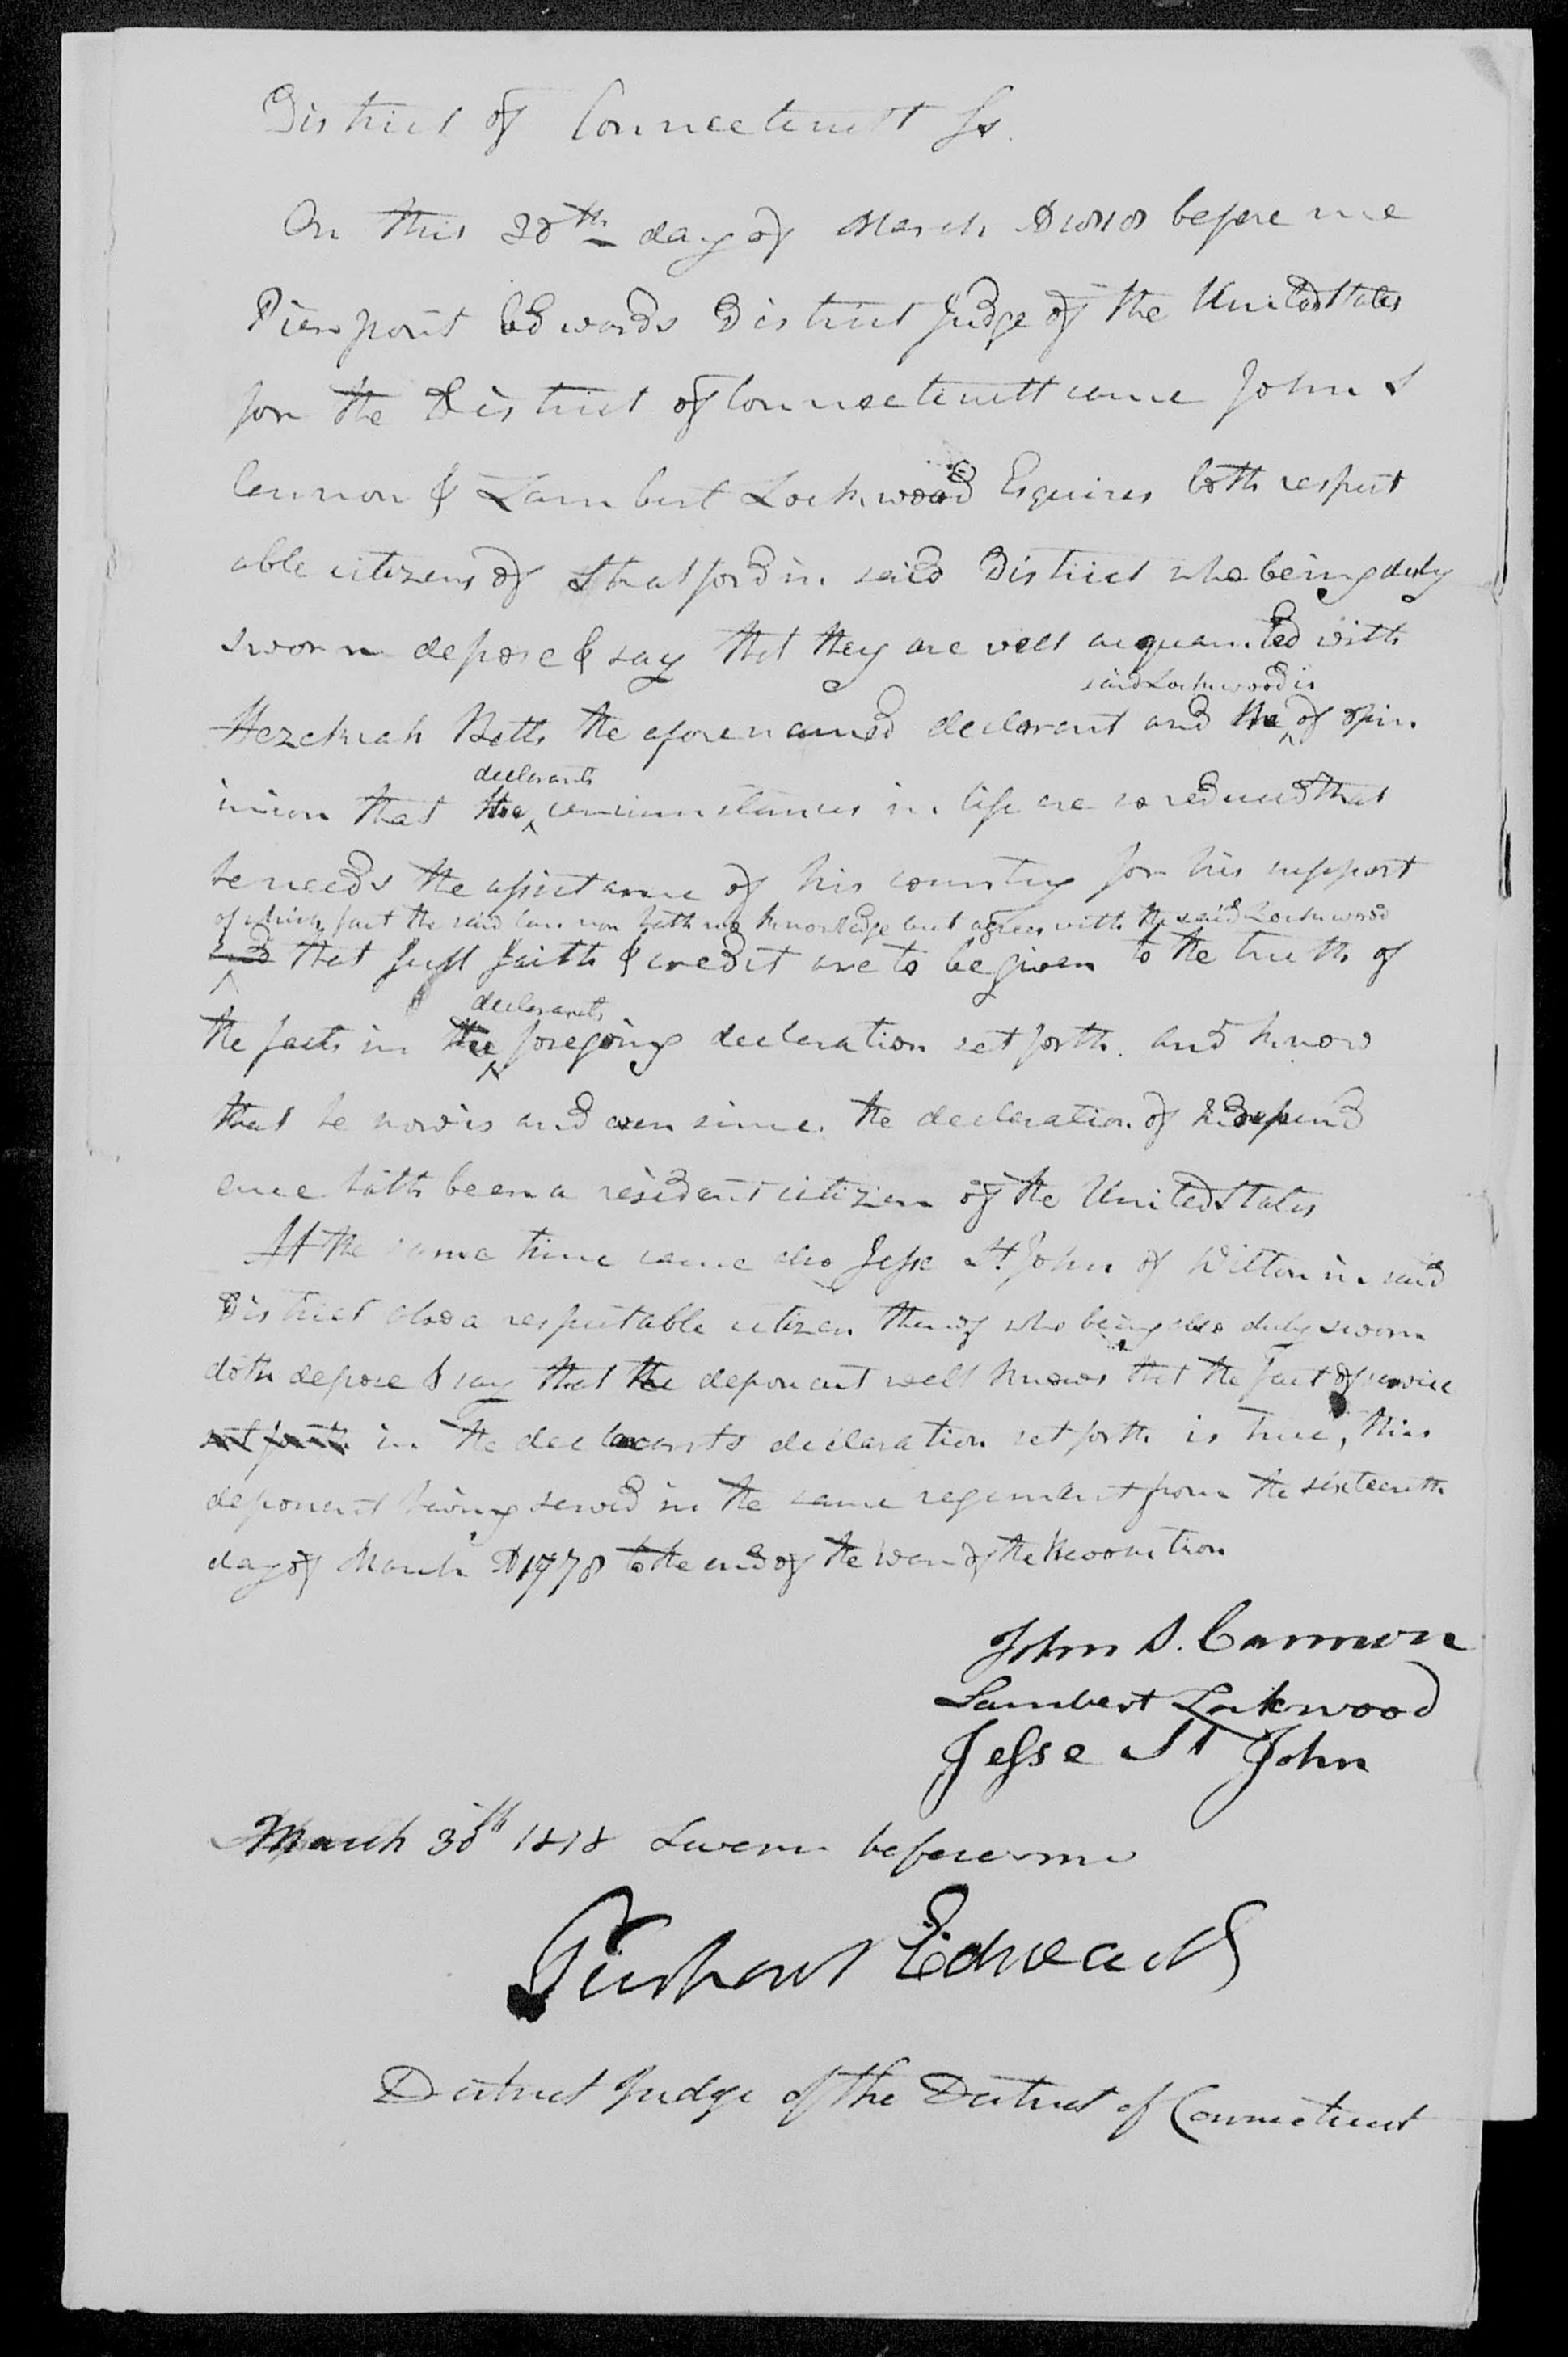District of Connecticut ss.
On this 20th day of March AD 1818 before me Pierpoint Edwards District Judge of the United States for the District of Connecticut came John S Cannon & Lambert Lockwood Esquires both respectable citizens of Stratford in said District who being duly sworn depose & say that they are well acquainted with Hezekiah Betts the aforesaid declarant and the said Lockwood is of the opinion that the declarants circumstances in life are reduced & that he needs the assistance of his country for his support of [unk] fact the said [unk] hath no knowledge but agrees with the said Lockwood that full faith & credit are to be given to the truth of the facts in declarants foregoing declaration set forth, and know that he now is and ever since, the declaration of [unk] once hath been a resident citizen of the United States.
At the same time came also Jesse St. John of Wilton in said District also a respectable citizen, thereof who being also duly sworn doth depose & say that the deponent well knows that the fact of service in the declarants declaration set forth is true; this deponent having served in the same regiment from the sixteenth day of March AD 1779 to the end of the war of the Revolution.
John D Cannon
Lambert Lockwood
Jesse St John
march 30th 1818 sworn before me
Pierpoint Edwards
District Judge of the District of Connecticut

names: Jesse St John, Lambert Lockwood, John S Cannon, John S Cannon, Pierpont Edwards, Pierpont Edwards, Hezekiah Betts, Lambert Lockwood, Jesse St John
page: 28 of 61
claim: widow's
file: W. 29,929, Hezekiah Betts, Conn.